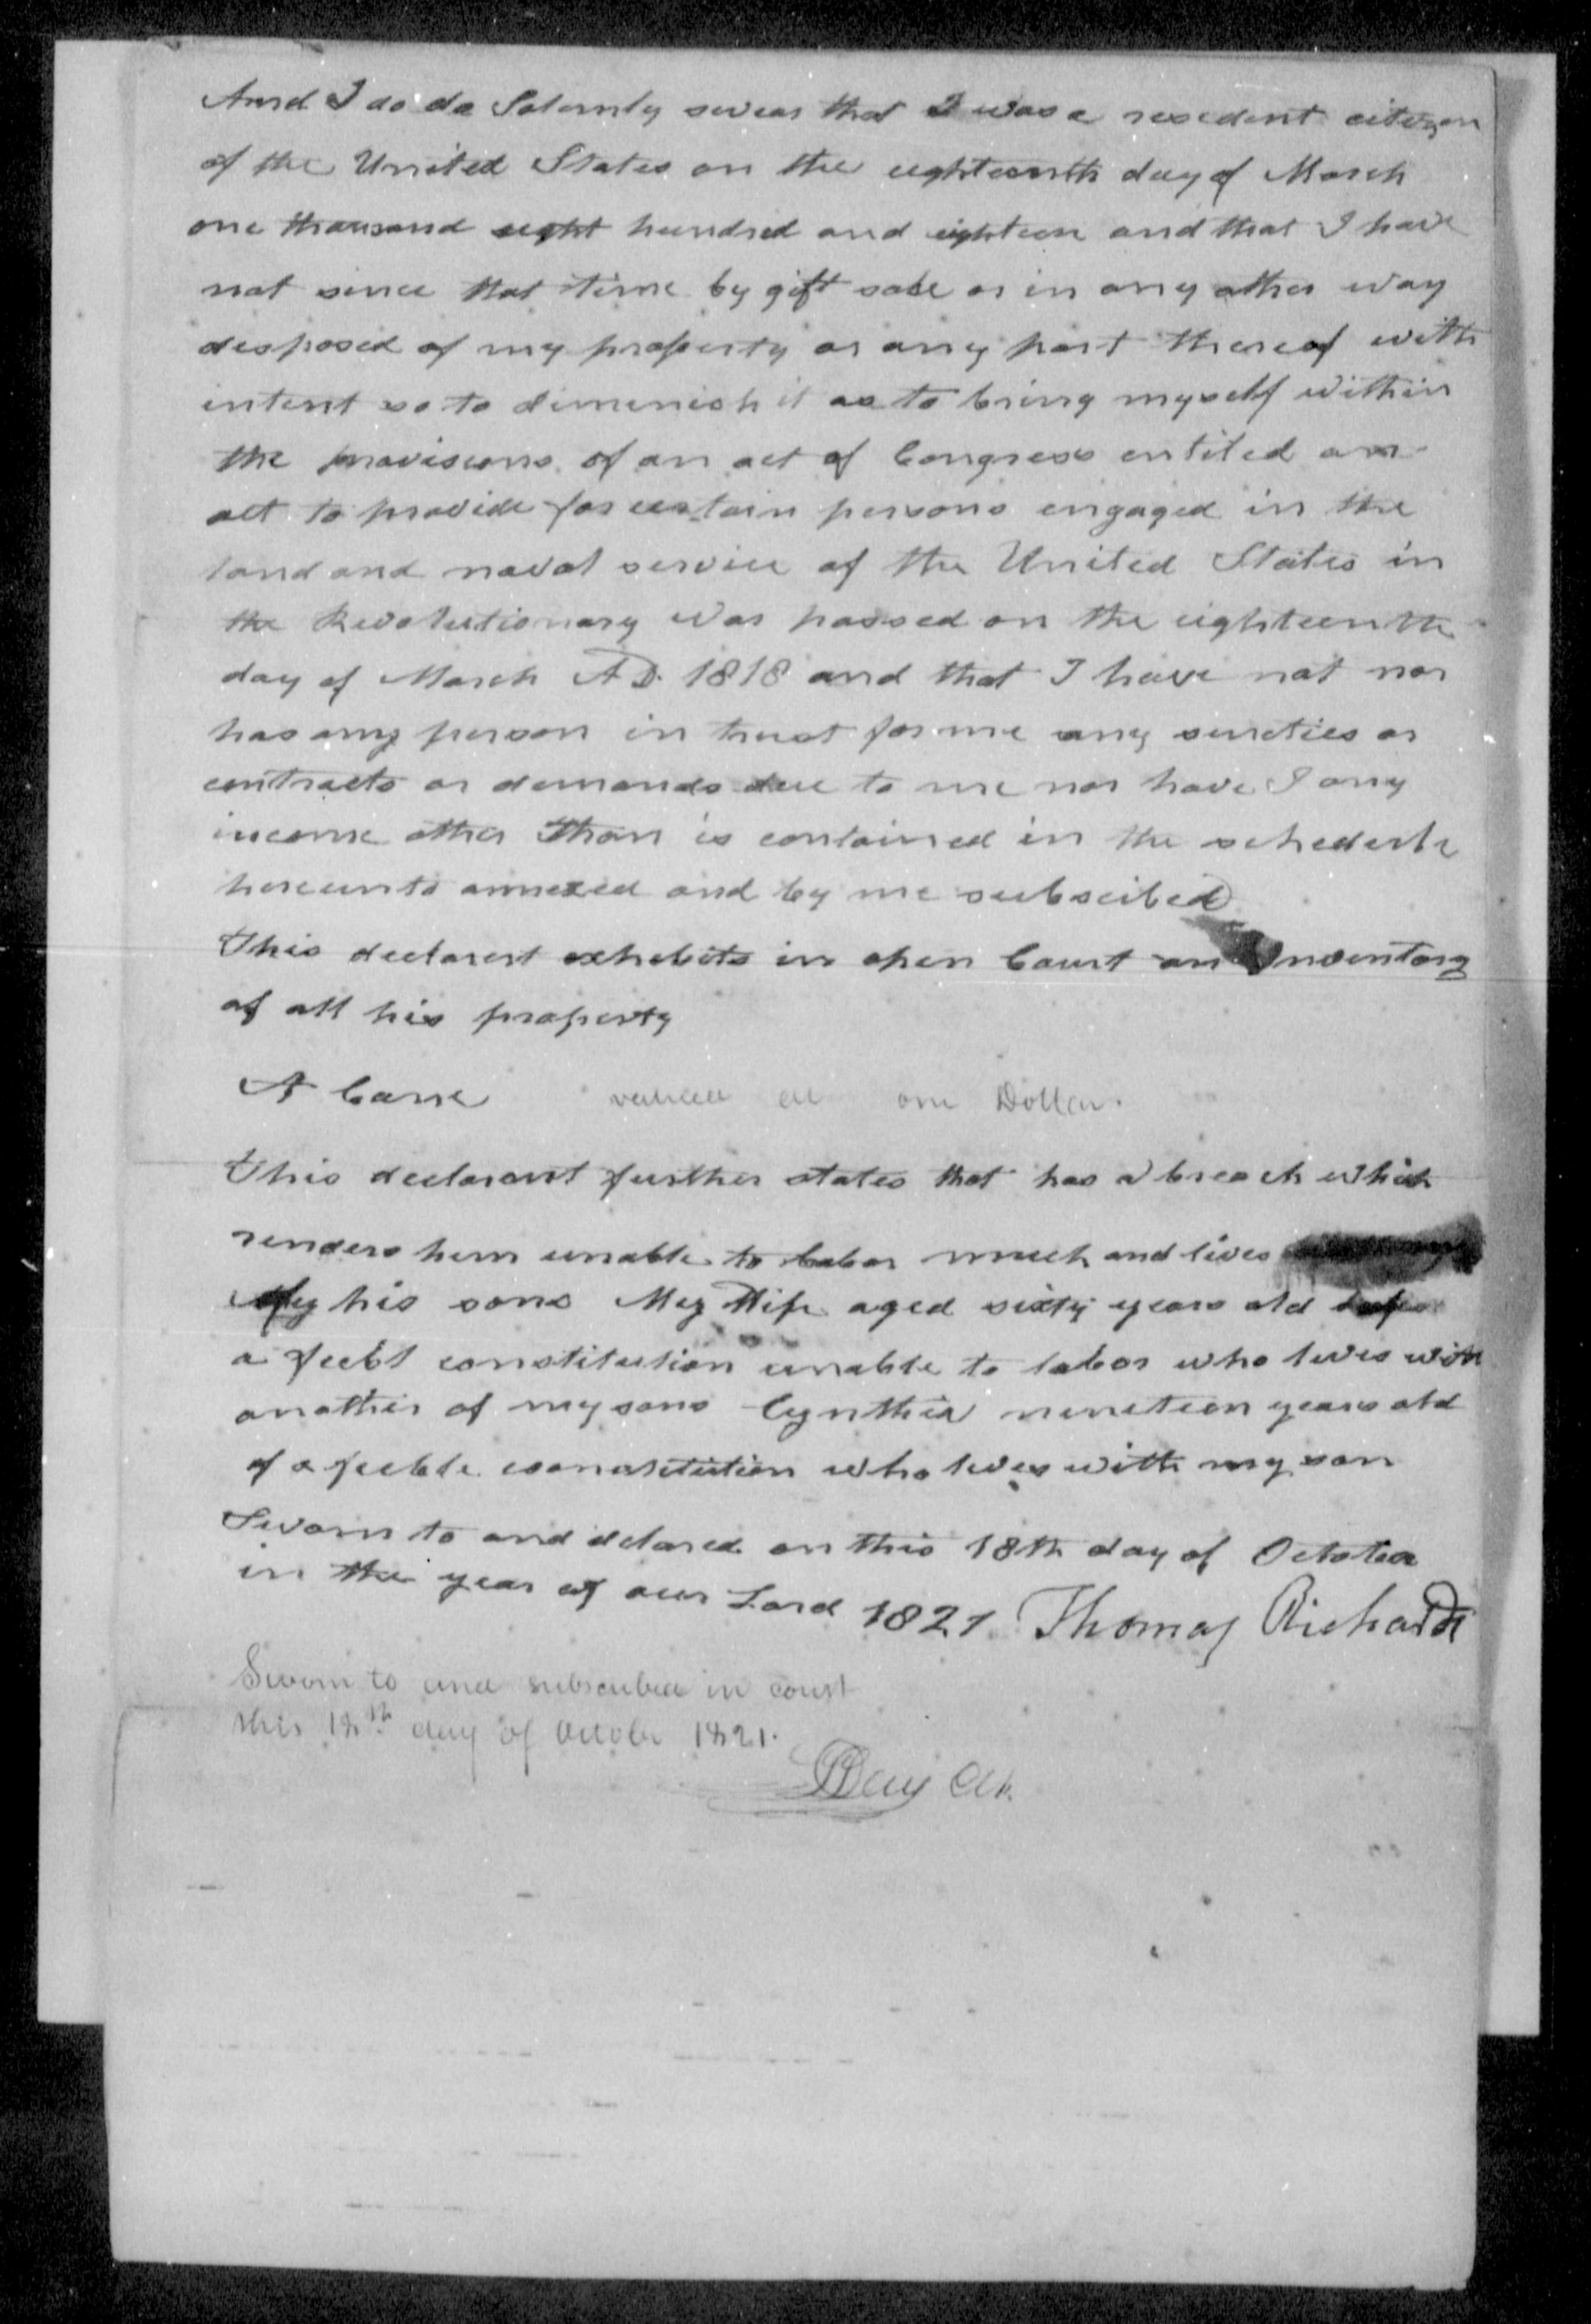And I do do [sic] Solemnly swear that I was a resident citizen of the United States on the eighteenth day of March one thousand eight hundred and eighteen and that I have not since that time by gift sale or in any other way
disposed of my property or any part thereof with intent so to diminish it as to bring myself within the provisions of an act of Congress entitled an act to provide for certain persons engaged in the land and naval service of the United States in the Revolutionary war passed on the eighteenth day of March A.D. 1818 and that I have not nor has any person in trust for me any sureties or contracts or demands due to me nor have I any income other than is contained in the schedule hereunto annexed and by me subscribed. This declarant exhibits in open Court an Inventory of all his property
I have valued at one Dollar
This declarant further states that has a break which renders him unable to labor much and lives by his sons My wife aged sixty years old with a feeble constitution unable to labor who lives with another of my sons Cynthia is nineteen years old of a feeble constitution who lives with my son
Sworn to and declared on this 18th day of October in the year of our Lord 1827. Thomas Richards
Sworn to and subscribed in court this 18th day of October 1821.
S Day Clk [CLERK]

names: Thomas Richards; S Day; A Carre; Cynthia [BLANK]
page: 12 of 109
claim: widow's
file: W. 5709, for Thomas Richards, New Hampshire